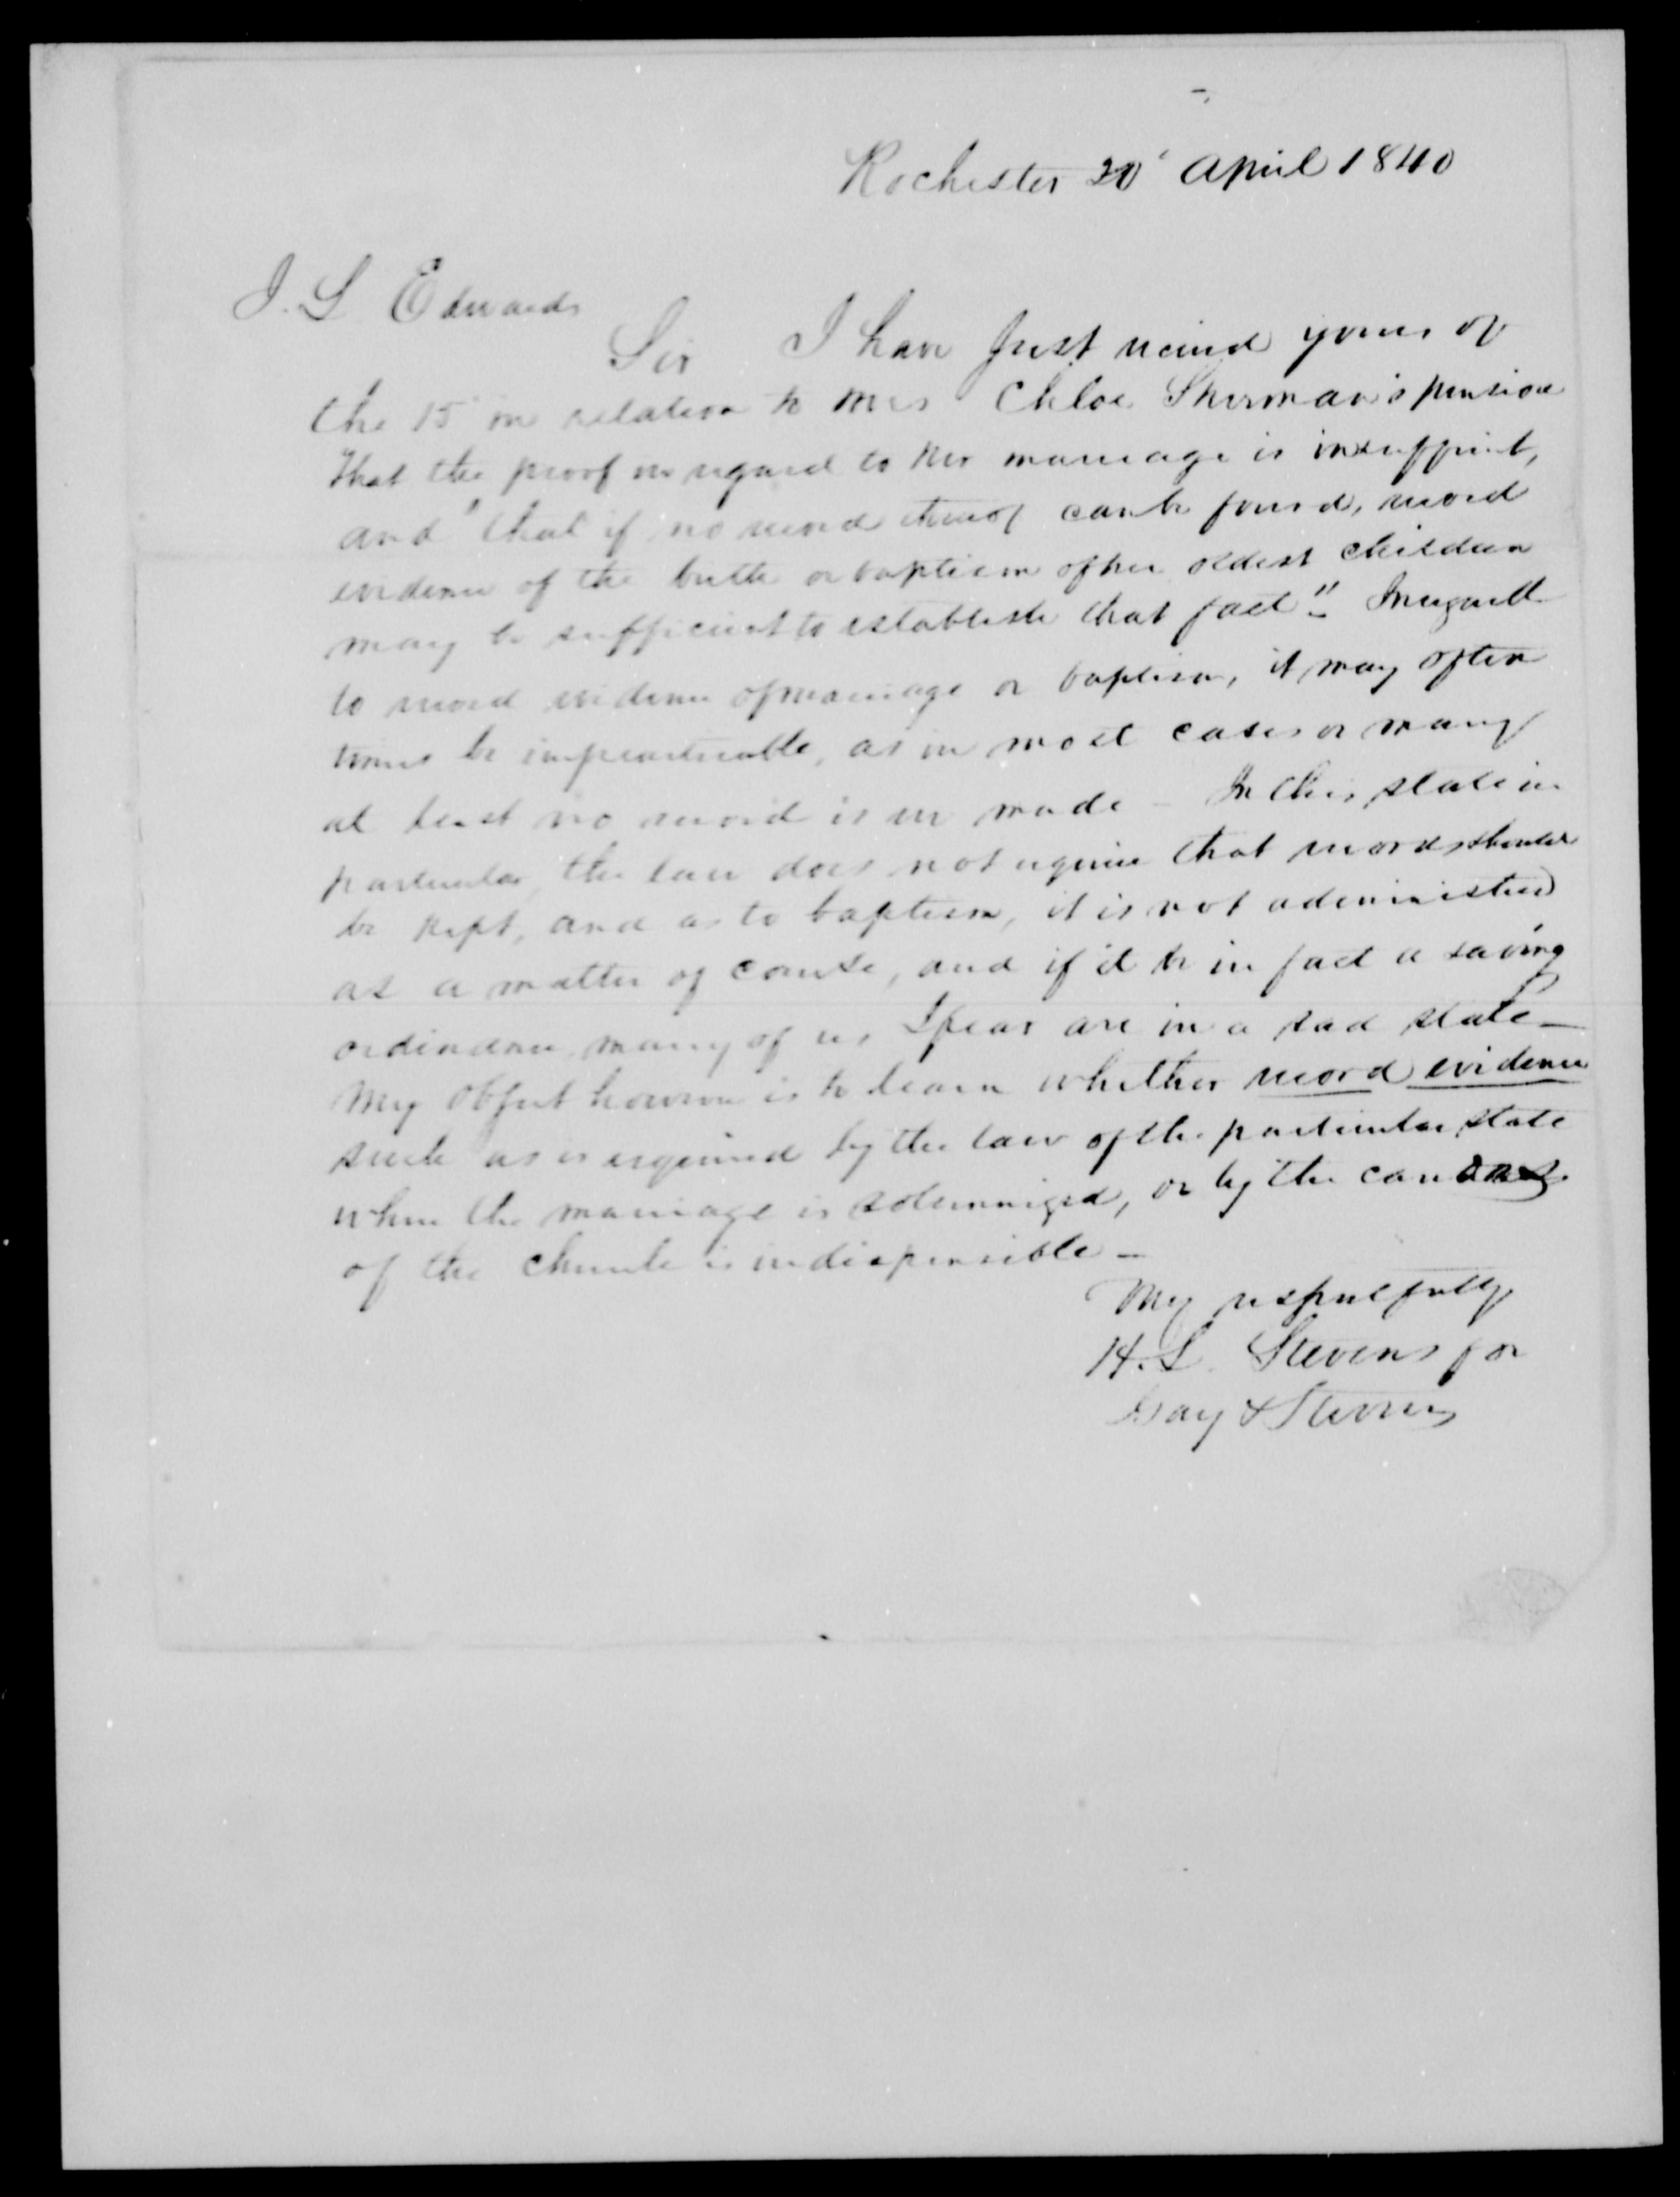Rochester 20 April 1840
Edward Sir I have just read yours of
the 15 in relation to Mrs Chloe Sherman's pension
that the proof in regard to her marriage is insuffit,
and that if no and thereof can be found, word
evidence of the buth or baptism of her oldest children
may be sufficient to establish that fact. Ingwell
to more indine of manage or baptism, it may after
times be impracticable as in most cases of many
at fast no and is in made. In this state in
particular the law does not require that words should
be kept, and as to baptism, it is not administred
as a matter of course, and if it be in fact a saving
ordinance many of us far are in a had state
my object house is to learn whether more evidence
such as is acquired by the law of the particular state
when the marriage is solemnized, or by the candy
of the church is indispensable.
My respectfully
H. L. Stevens for
Day & times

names: J L Edwards; [BLANK] Gay; H L Stevens; Chloe Sherman; [BLANK] Stevens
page: 32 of 52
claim: rejected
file: R. 9493, for George Sherman, Vermont